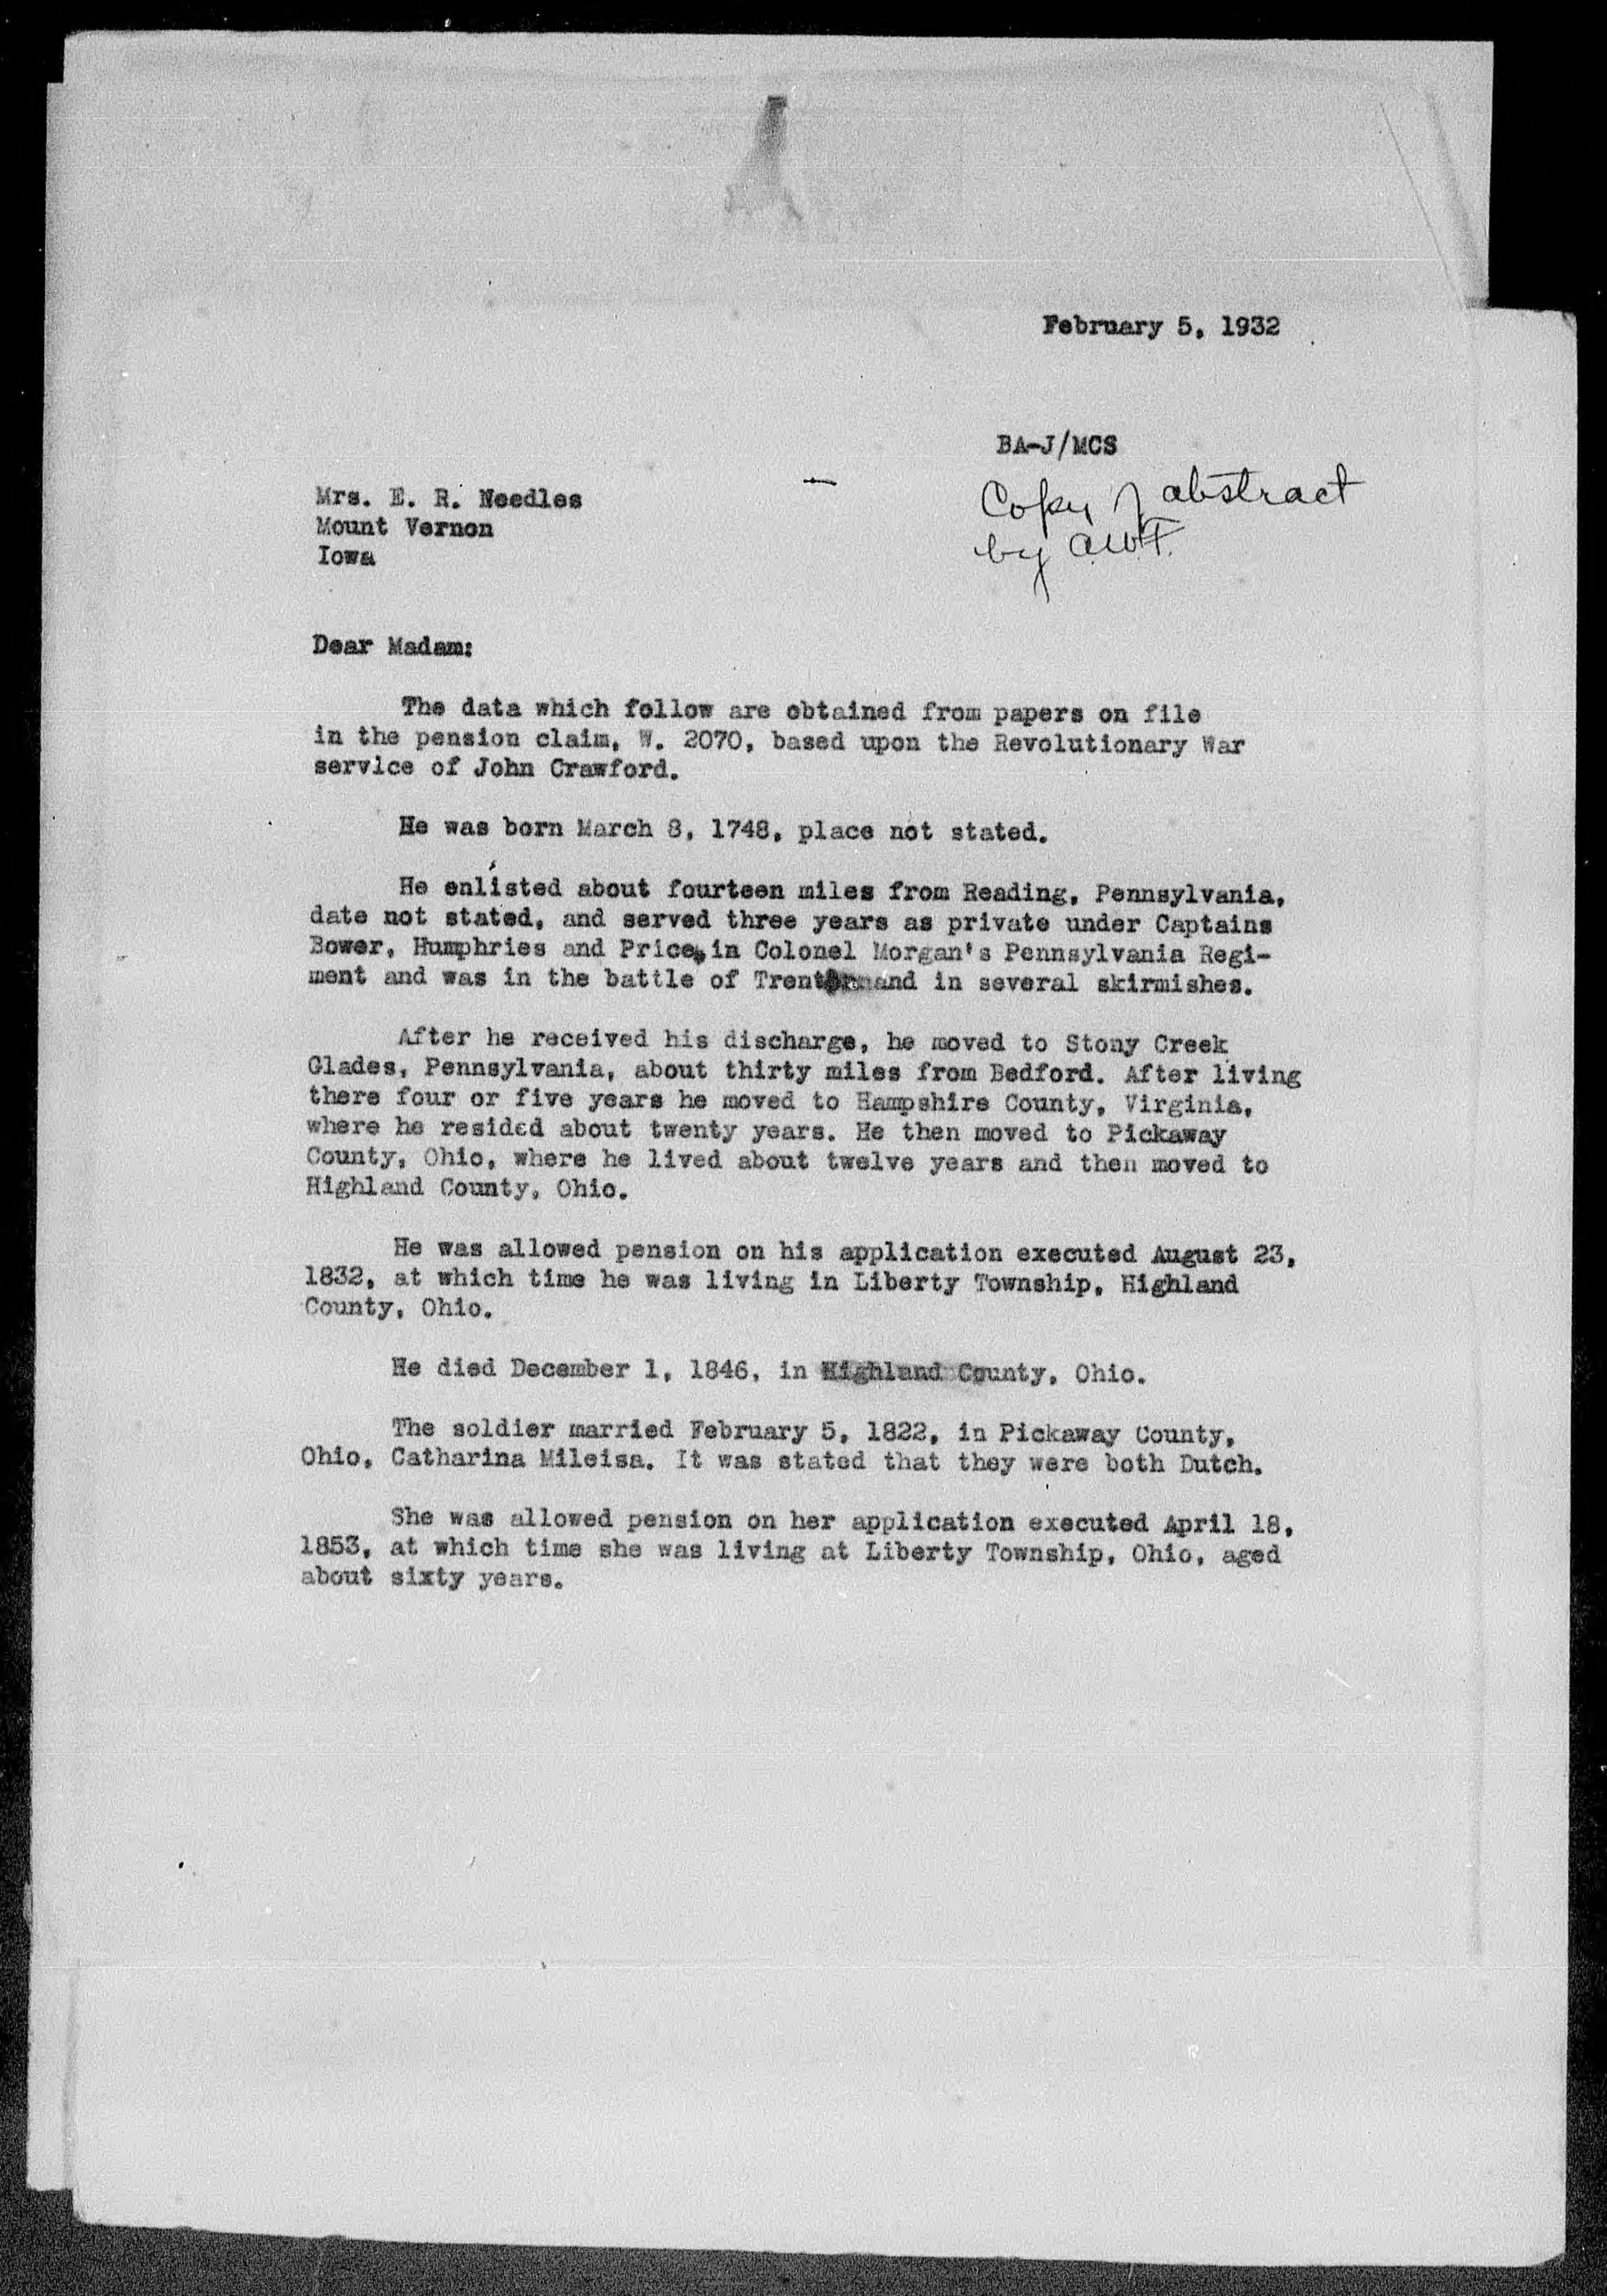February 5, 1932
BA-J/McS
Copy of abstract by A.W.F.

Mrs. E. R. Needles
Mount Vernon
IOWA

Dear Madam:
The data which follow are obtained from papers on file in the pension claim, W. 2070, based upon the Revolutionary War service of John Crawford,

He was born March 3, 1748, place not stated.

He enlisted about fourteen miles from Reading, Pennsylvania, date not stated, and served three years as private under Captains Bower, Humphries and Price, in Colonel Morgan's Pennsylvania Regiment and was in the battle of Trenton and in several skirmishes.

After he received his discharge, he moved to Stony Creek Glades, Pennsylvania, about thirty miles from Bedford. After living there four or five years he moved to Hampshire County, Virginia, where he resided about twenty years. He then moved to Pickaway County, Ohio, where he lived about twelve years and then moved to Highland County, Ohio.

He was allowed pension on his application executed August 23, 1832, at which time he was living in Liberty Township, Highland County, Ohio.

He died December 1, 1846, in Highland County, Ohio.

The soldier married February 5, 1822, in Pickaway County, Ohio, Catharina Mileisa. It was stated that they were both Dutch,

She was allowed pension on her application executed April 18, 1853, at which time she was living at Liberty Township, Ohio, aged about sixty years.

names: Humphries, E R Needles, Catharina Mileisa, Bower, John Crawford, Price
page: 78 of 80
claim: widow's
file: W 2070, John Crawford, Penn.